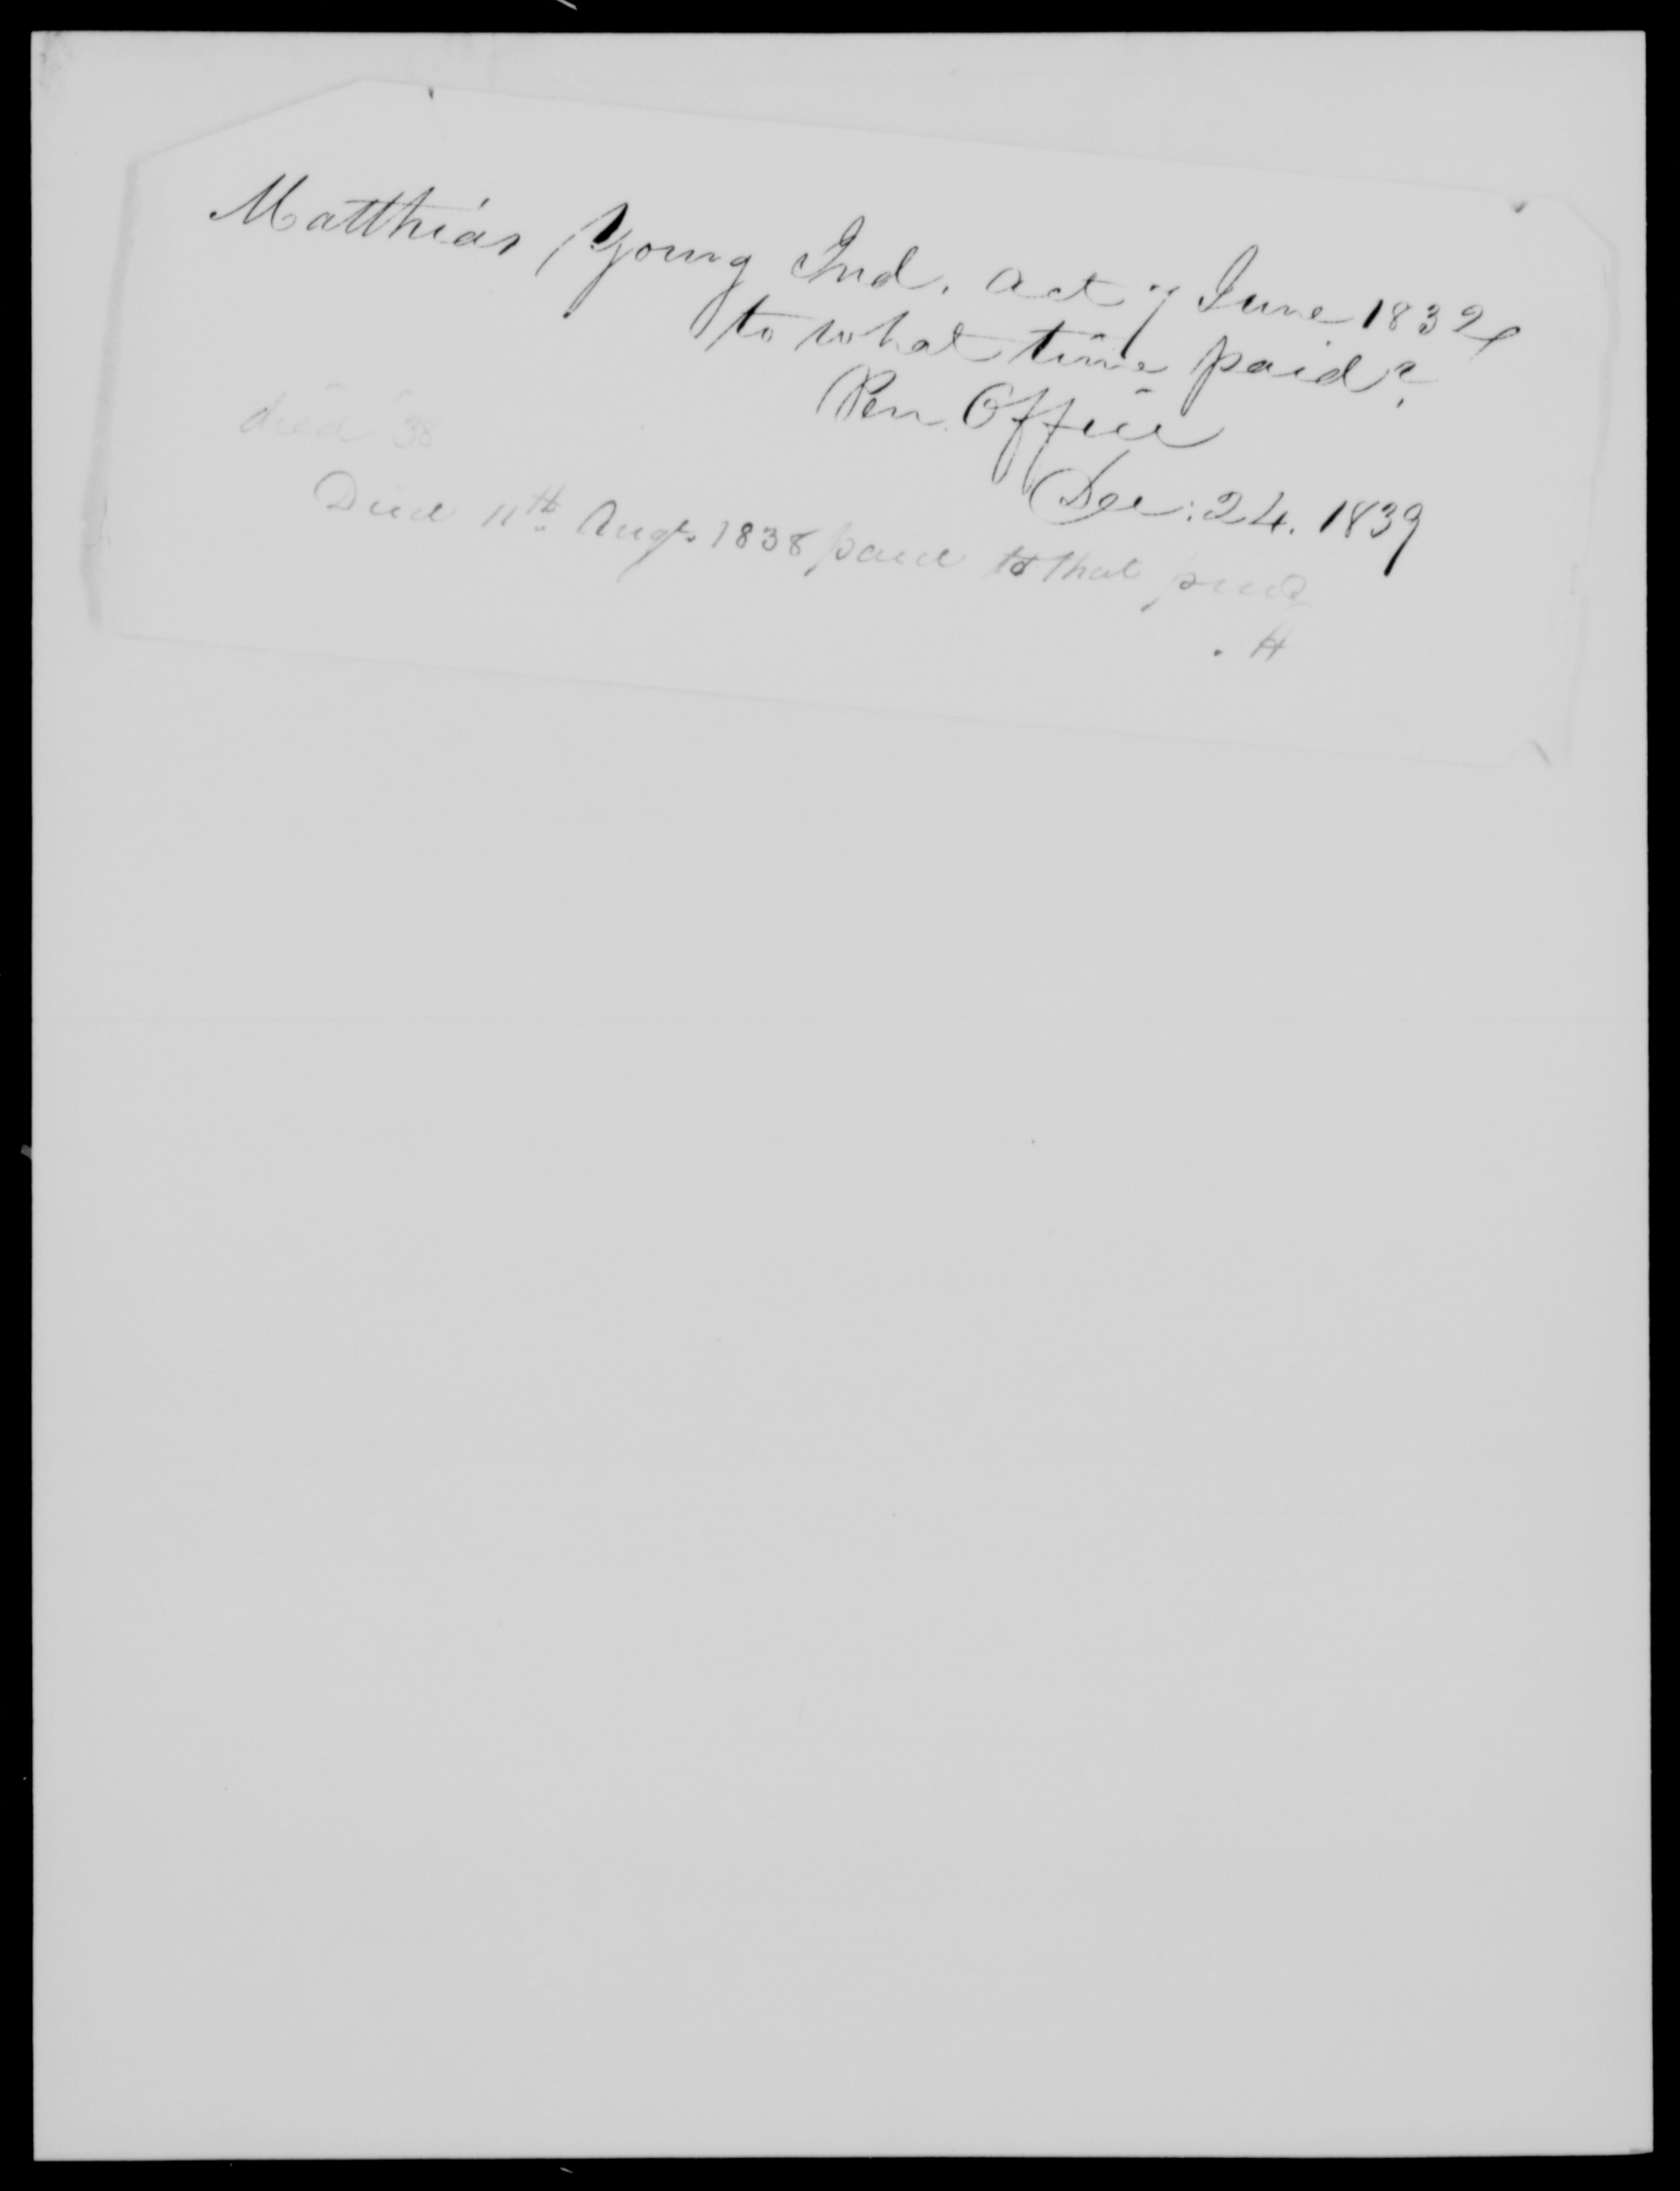Matthias Young Ind. act 7 June 1832
to what time paid?
Pen Office
Dec. 24, 1839
Died 11th Aug 1838 paid to that period 
H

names: Matthias Young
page: 70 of 123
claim: rejected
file: R. 11,949, Matthias Young, Md.